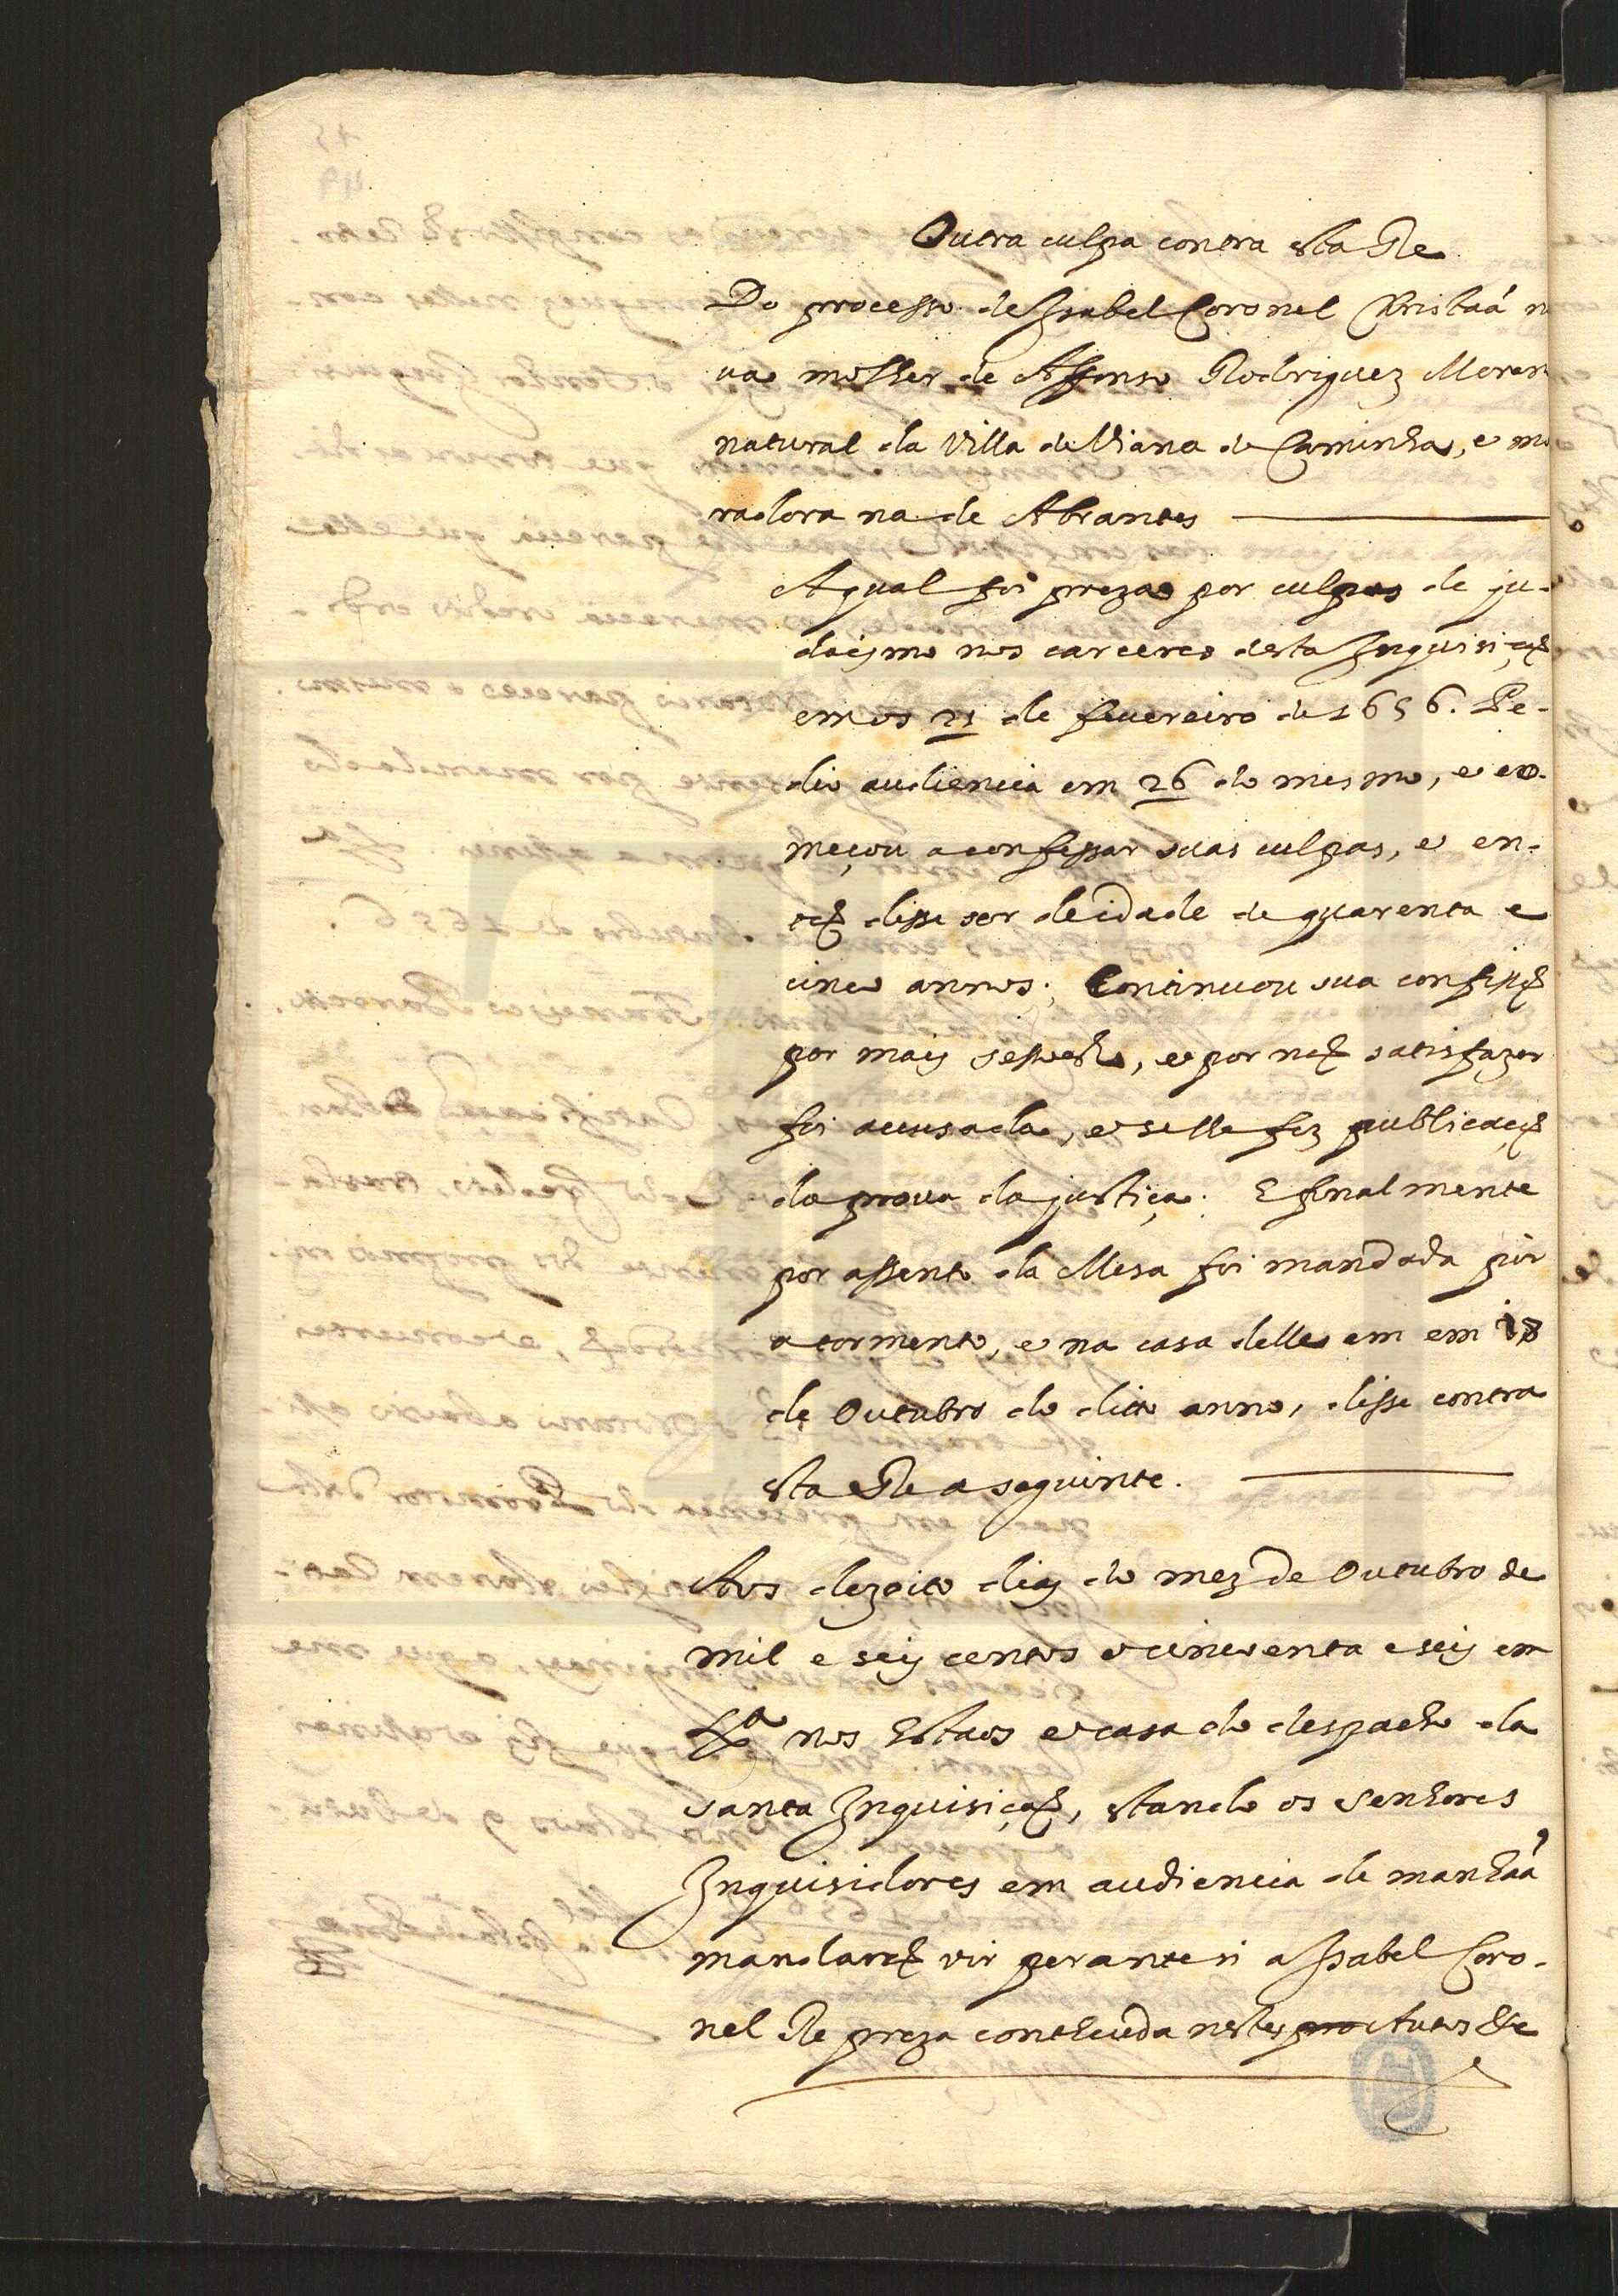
Outra culpa contra esta Re
Do processo de Jsabel Coronel Christaã n
ua molher de Affonso Rodriguez Moren
natural da villa de Viana de Caminha, e mo
radora na de Abrantes
A qual foi preza por culpas de ju
daismo nos carceres desta Jnquisiçaõ
em os 21 de feuereiro de 1656. Pe
dio audiencia em 26 do mesmo, e co
meçou a confessar suas culpas, e en
taõ disse ser de idade de quarenta e
cinco annos; continuou sua confissaõ
por mais sessoẽs, e por naõ satisfazer
foi accusada, e se lhe fez publicaçaõ
da proua da justiça. E finalmente
por assento da Mesa foi mandada pir
a tormento, e na casa delle em em 18
de Outubro do ditto anno, disse contra
esta Re a seguinte.
Aos dezoito dias do mez de Outubro de
mil e seiscentos e cincoenta e seis em
Lxa nos Estaos e casa do despacho da
santa Jnquisiçaõ, estando os senhores
Jnquisidores em audiencia de manhaã
mandaraõ vir perante si a Jsabel Coro
nel Re preza contheuda nestes pro Autos &c
